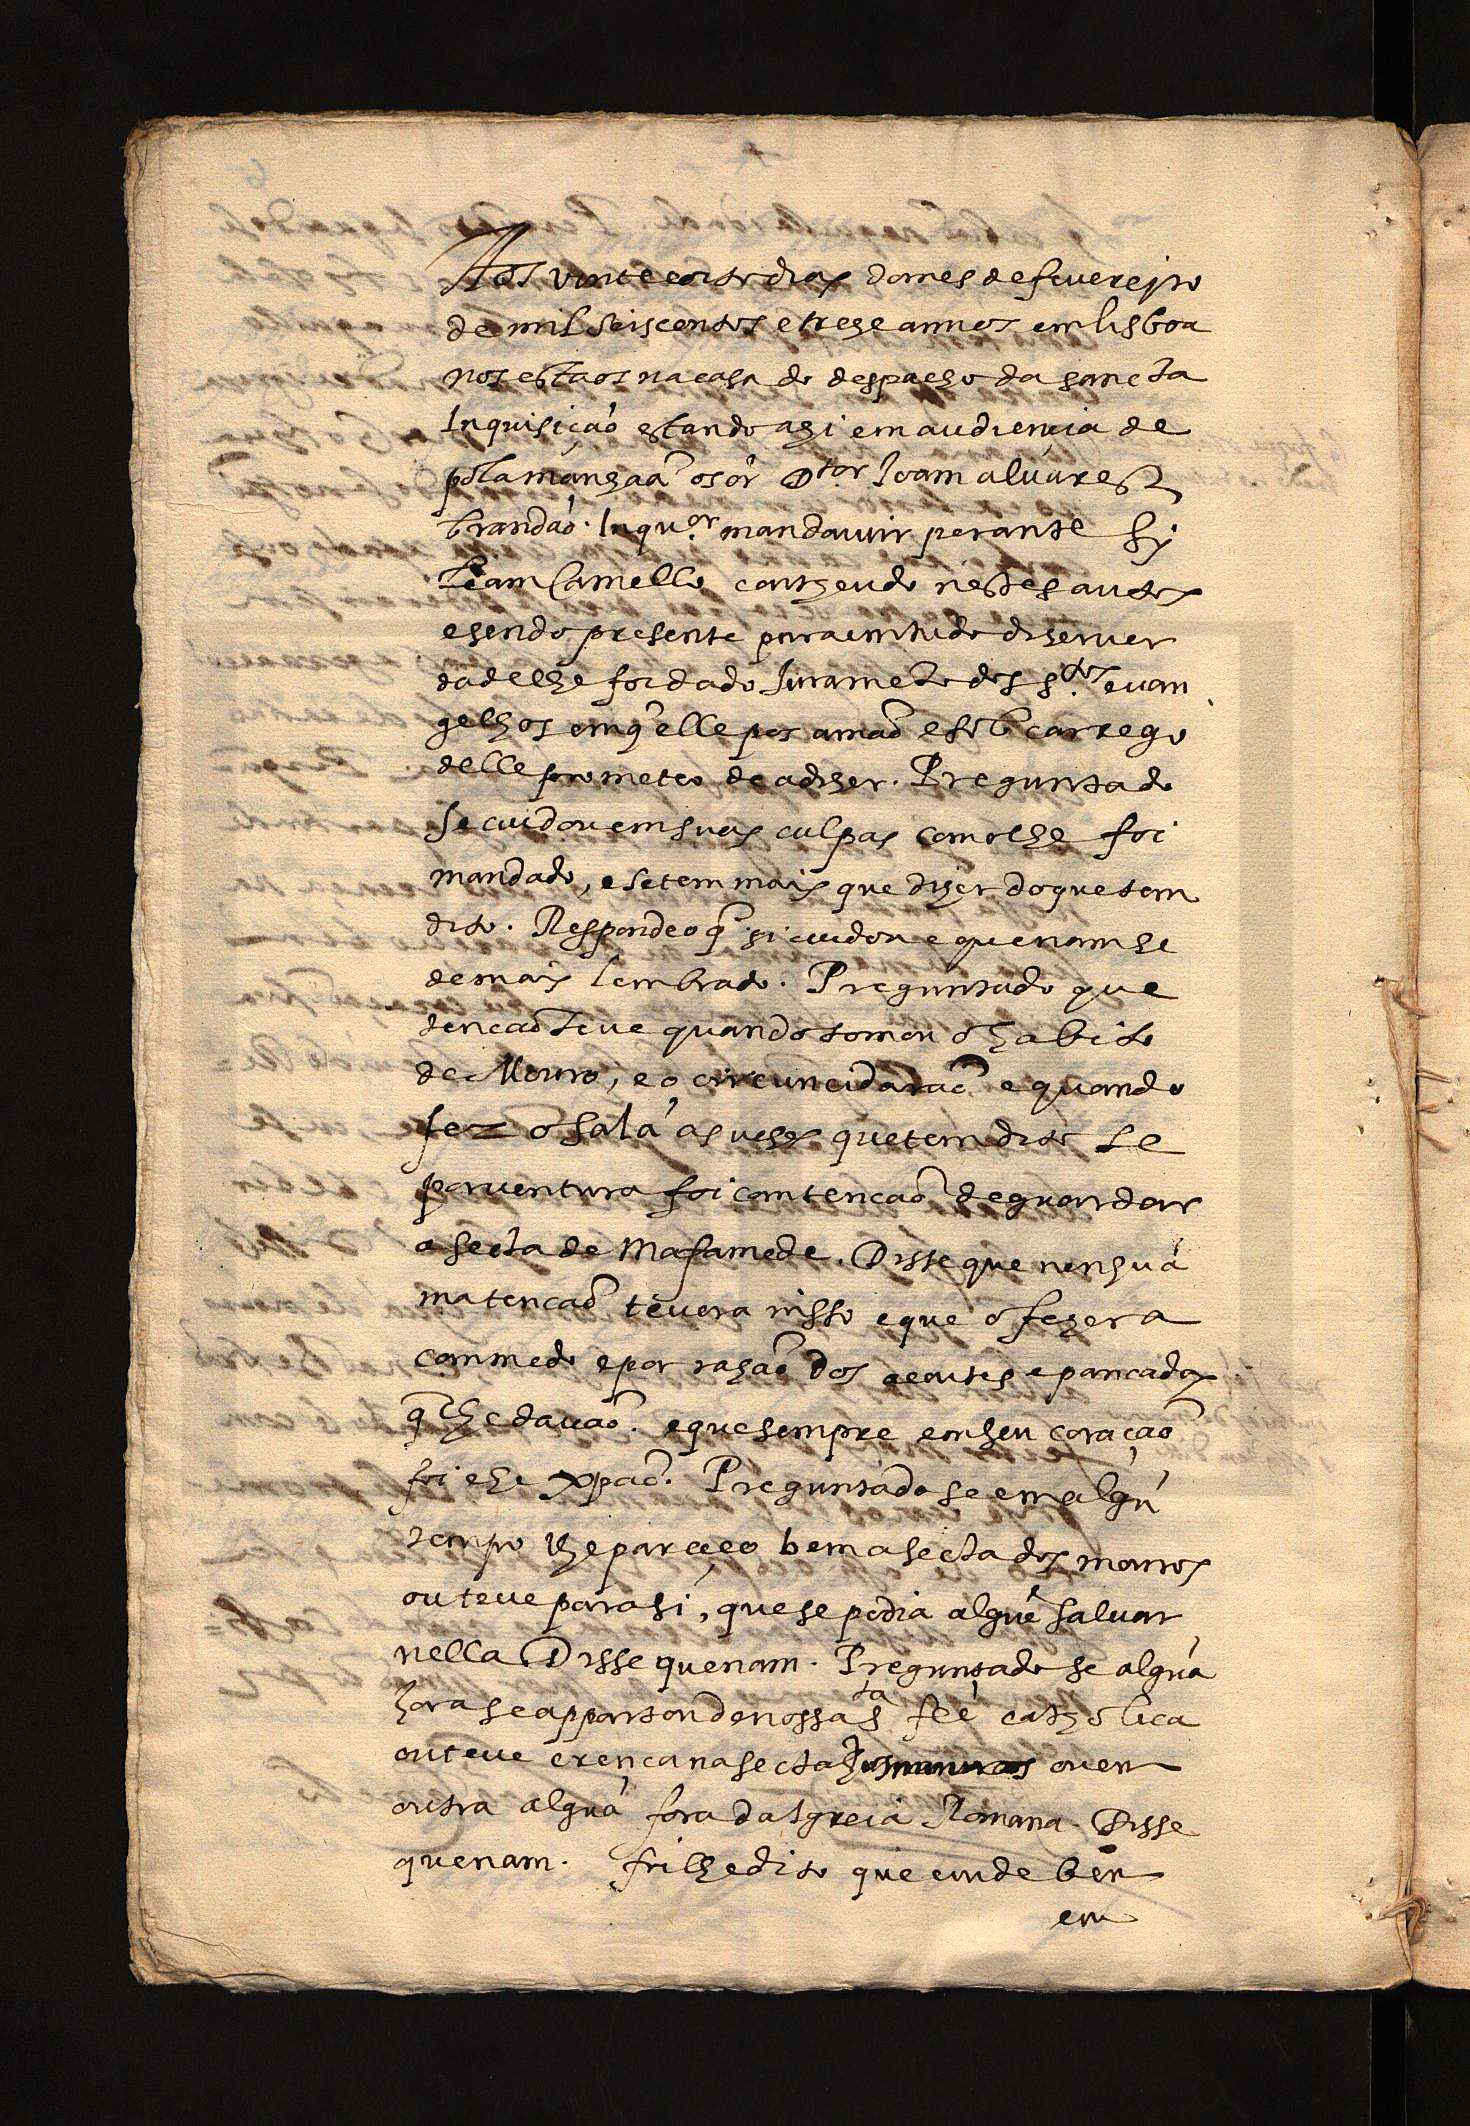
Aos vinte e oito dias do mes de feuereiro
de mil seiscentos e treze annos em lisboa
nos estaos na casa do despacho da sancta
Inquisiçaõ estando ahi em audiencia de
pola manhaā o sor̄ Dt.or Ioam aluares
brandaõ Inqu.or mandou uir perante sy
Leam Camello contheudo nestes autos
e sendo presente para em tudo dizer uer
dade lhe foi dado Juramēto dos s.tos euan
gelhos em q̄ elle pos a maõ e sob carrego
delle prometeo de a dizer. Preguntado
se cuidou em suas culpas como lhe foi
mandado, e se tem mais que dizer do que tem
dito. Respondeo q̄ si cuidou e que nam he
de mais lembrado. Preguntado que
tençaõ teue quando tomou o habito
de Mouro, e o circuncidaraõ e quando
fez o salā as ueses que tem dito se
por uentura foi com tençaõ de guardar
a secta de Mafamede. Disse que nunquā
ma tençaõ teuera nisso e que o fezera
com medo e por razaõ dos açoutes e pancadas
q̄ lhe dauão. e que sempre em seu coraçaõ
foi e he xpaõ. Preguntado se em algū
tempo lhe pareceo bem a secta dos mouros
ou teue para si, que se podia alguē saluar
nella. Disse que nam. Preguntado se alguā
hora se appartou de nossa sta feé catholica
ou teue crença na secta
_ mouros
ou em
outra alguā fora da Igreia Romana Disse
que nam. foilhe dito que cuide bem
em
